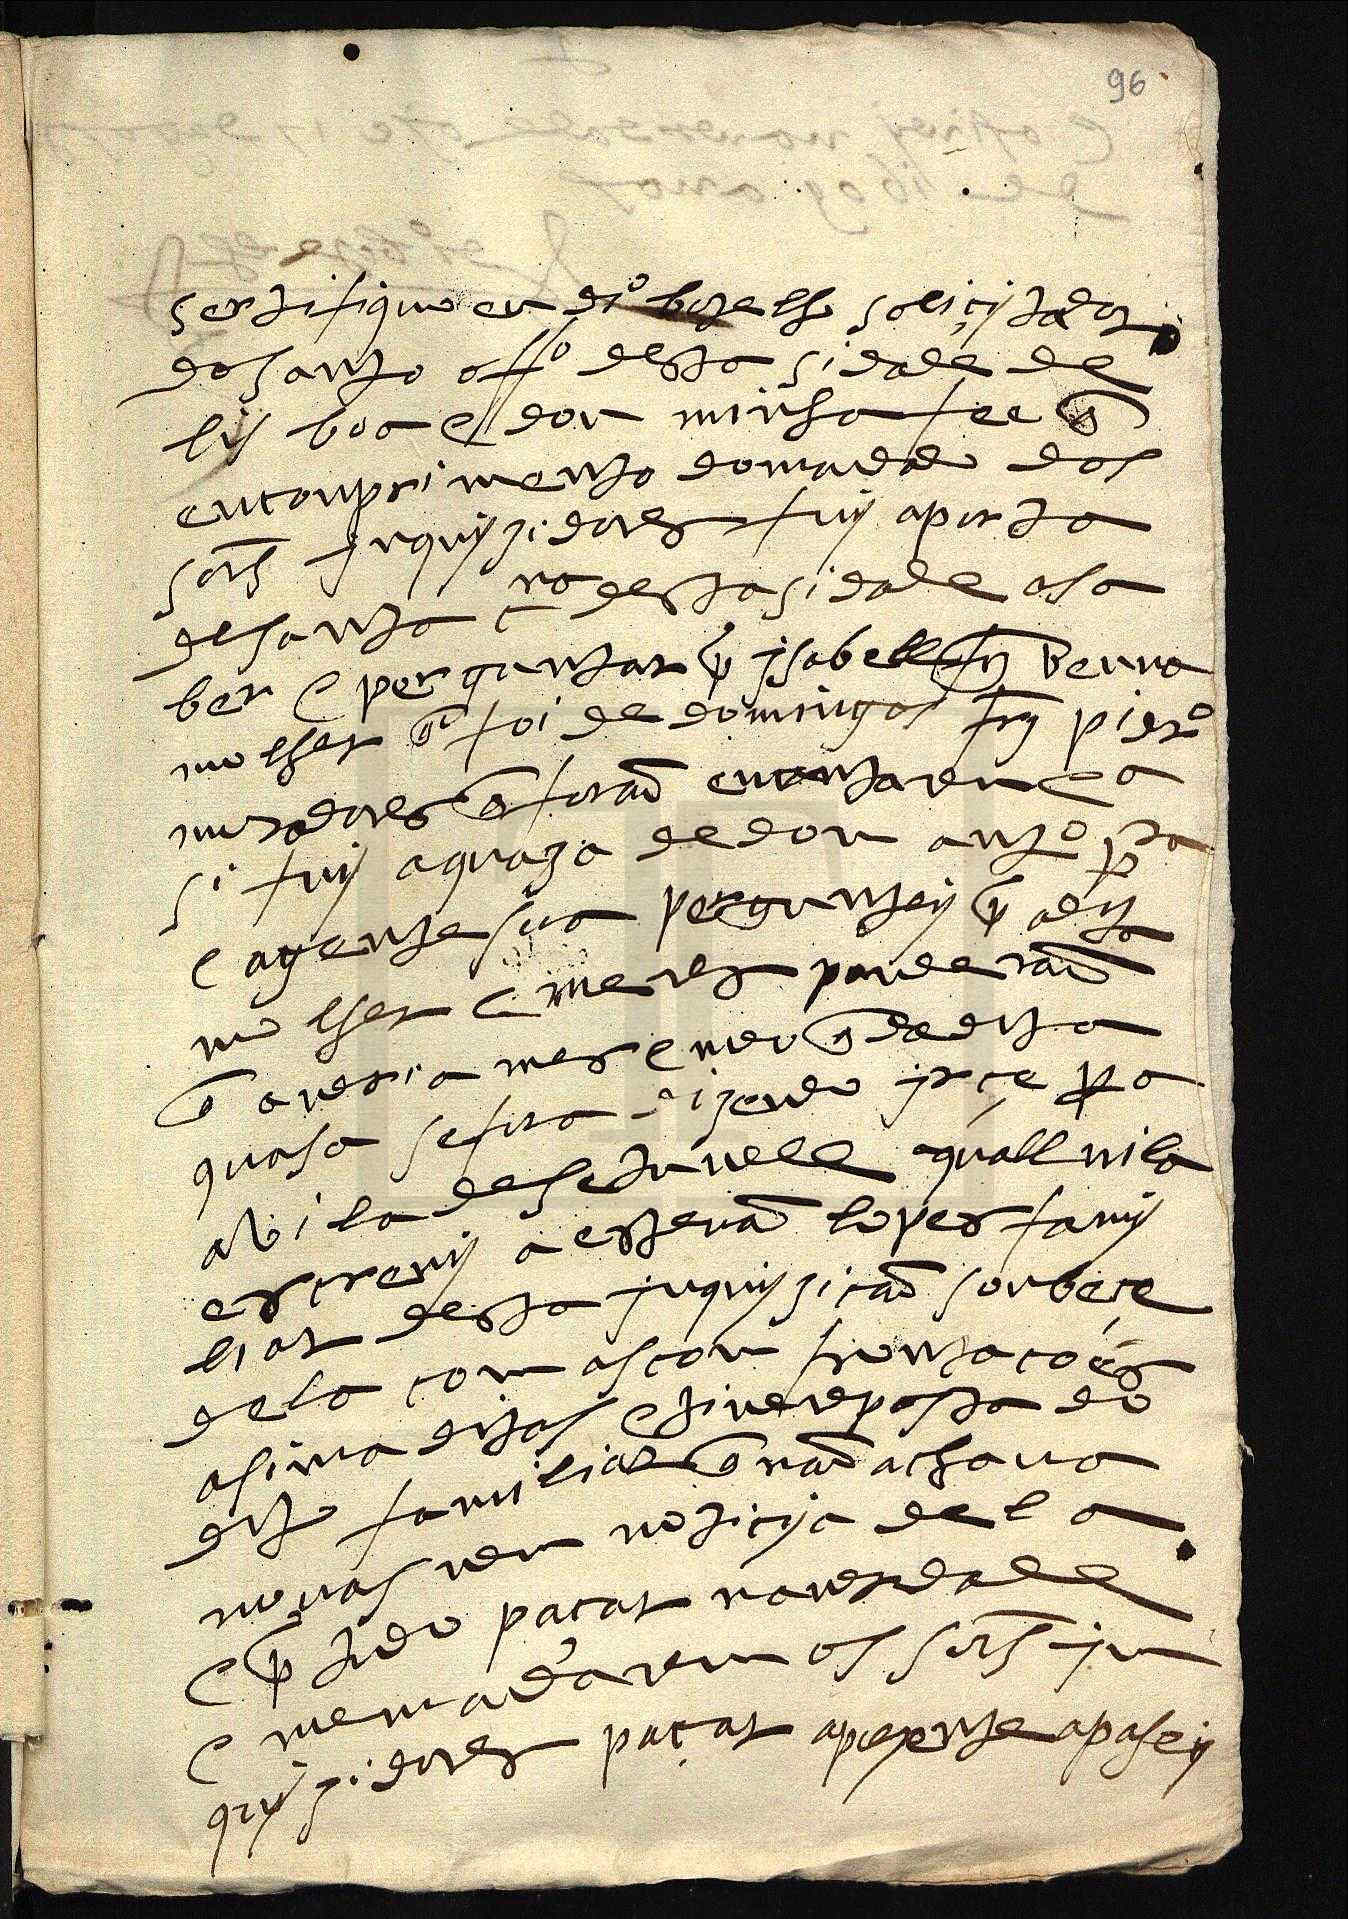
sertifiquo eu dio botelho soliçytador
do santo offo desta sidade de
lisboa e dou minha fee q̄
en conprimento do madado dos
sōrs jnquyzidores fuy a porta
de santa cna desta sidade a sa
ber e perguntar p̄o jsabell frz̄ veuua
molher q̄ foi de domingos fr̄z pidro
moradores q̄ foraõ en cantaren e a
si fuy a quaza de don anto pra
e a gente sua perguntey p̄o a dita
molher e me responderaõ
q̄ aueria mes e meo q̄ da dita
quasa se fora dizendo jrçe ꝑa
a vila de setuuell a quall uila
escreuy a esteuaõ lopes famy
liar desta jnquyziçaõ soubeçe
dela com as comfrontaçoẽs
asima ditas e tiue reposta do
dito familiar q̄ naõ achaua
nouas nem noticya dela
e p̄o tudo paçar na uerdade
e me madarem os sor̄s jn
quyzidores paçar a prezente a pasey
